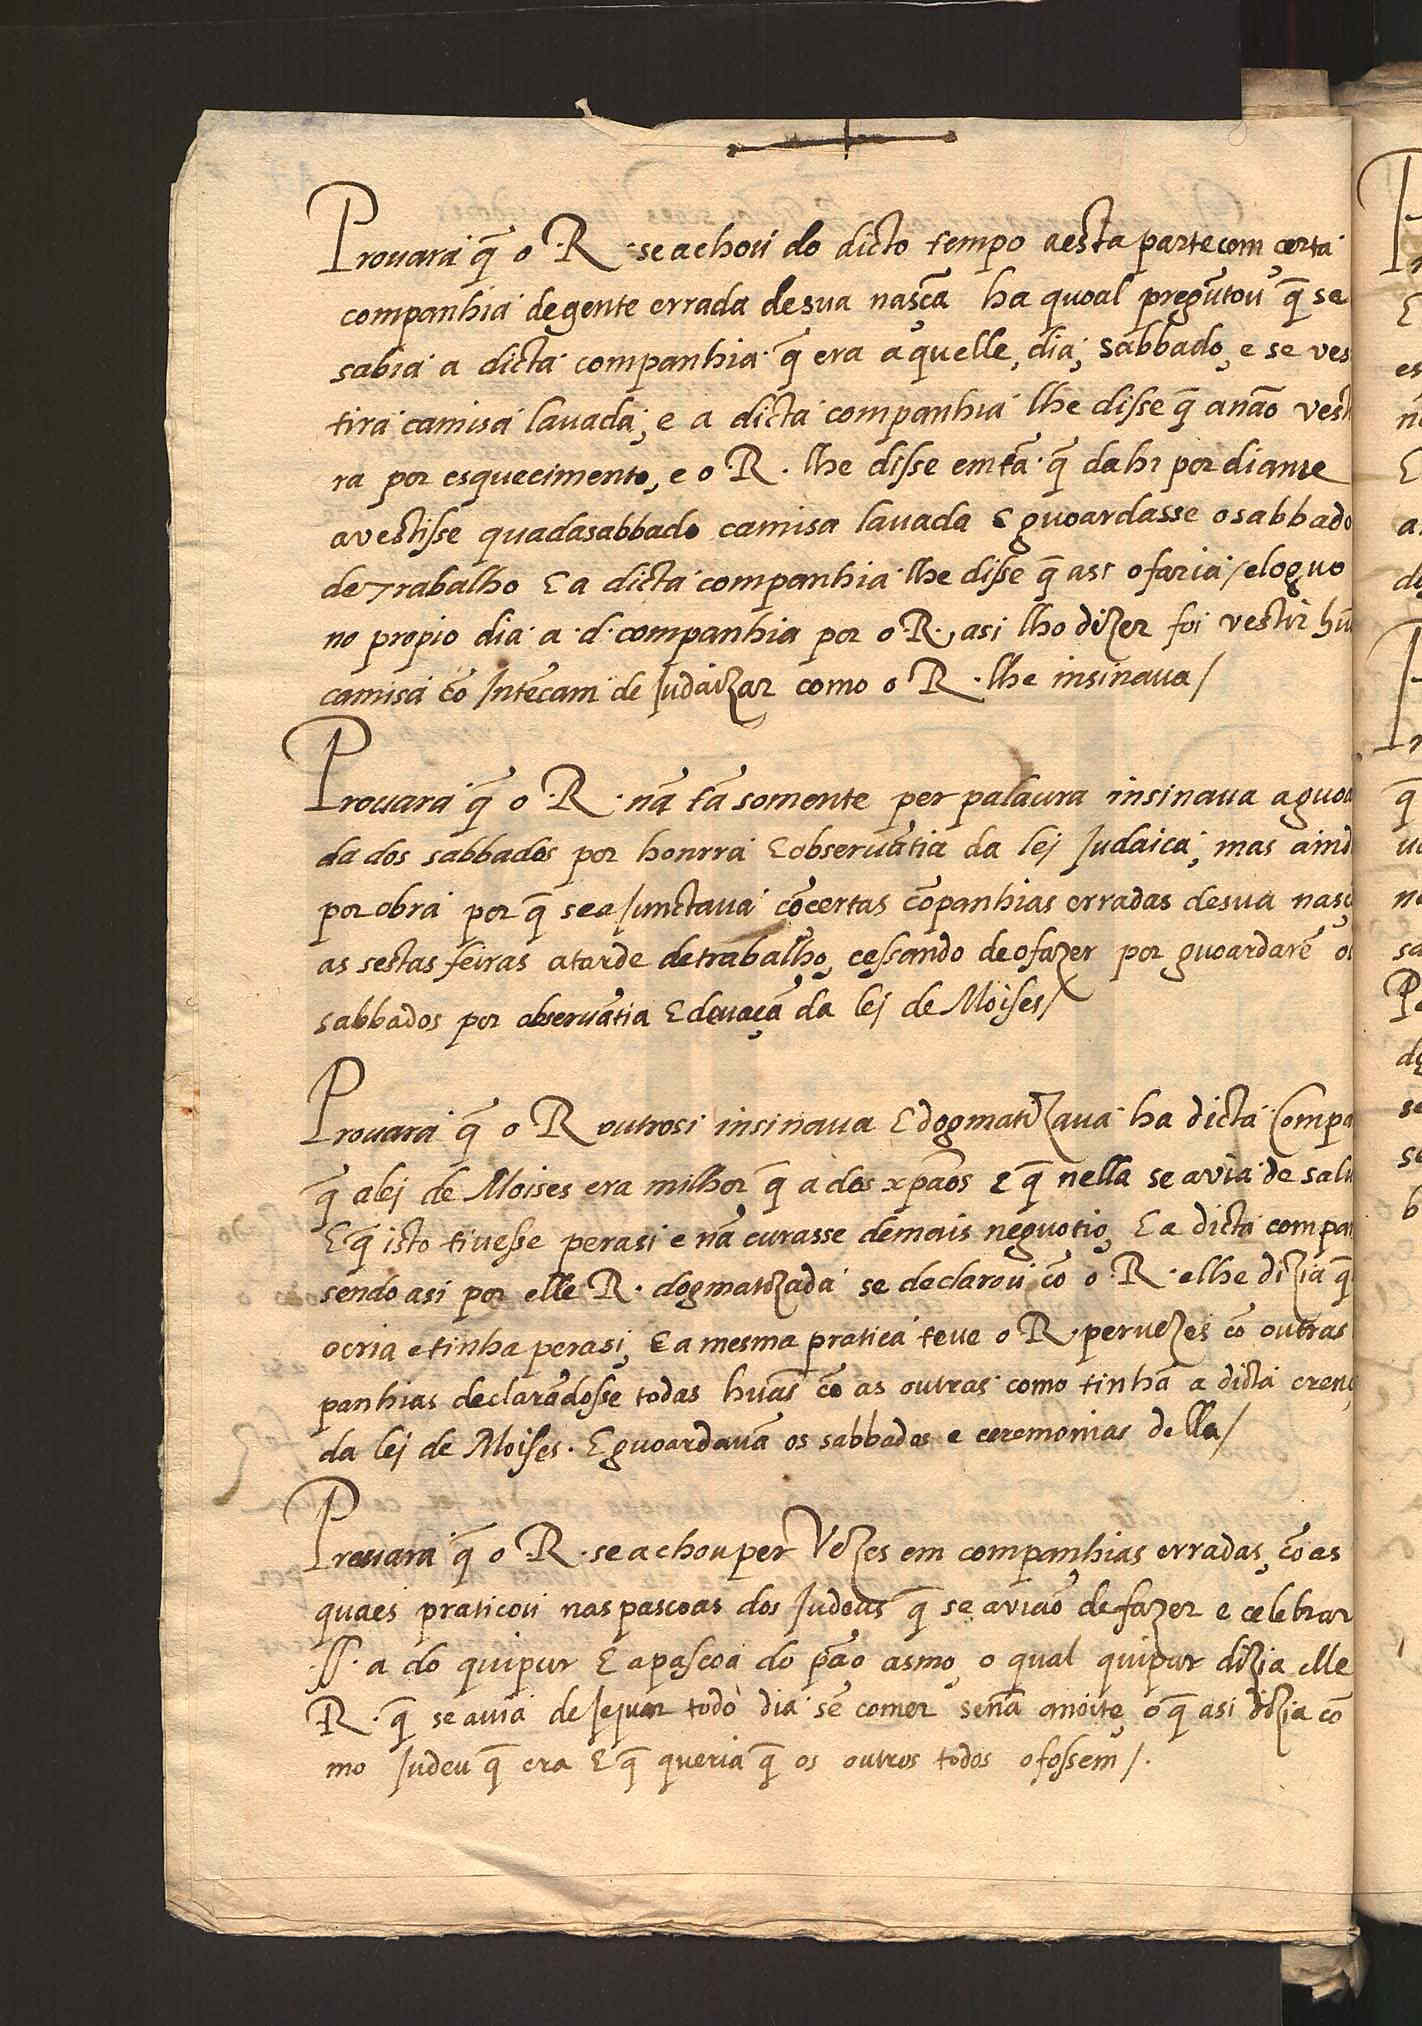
Prouara q̅ o .R. se achou do dicto tempo a esta parte com çerta
companhia de gente errada de sua nasç̅a ha quoal pregu̅tou q̅ se
sabia a dicta companhia q̅ era aquelle , dia, sabbado, e se ves
tira camisa lauada, e a dicta companhia lhe disse q̅ a não ves
ra por esquecimento, e o R. lhe disse emta̅ q̅ dahi por diante
a vestisse quada sabbado camisa lauada E guoardasse o sabbado
de trabalho E a dicta companhia lhe disse q̅ asi o faria / e loguo
no propio dia a .d. companhia por o .R. asi lho dizer foi vestir hu̅
camisa c̄o Jnte̅cam de Judaizar como o R. lhe insinaua /
Prouara q̅ o .R. na̅ ta̅ somente per palaura insinaua a guoa
da dos sabbados por honrra E obserua̅tia da lej Judaica , mas aind
por obra porq̄ se aJunctaua cō çertas cōpanhias erradas de sua nasç
as sestas feiras a tarde de trabalho, cessando de o fazer por guoardare̅ o
sabbados por obserua̅tia E deuaçā da lej de Moises
Prouara q̅ o R outrosi insinaua E dogmatizaua ha dicta Compa
q̅ a lej de Moises era milhor q̅ a dos xpãos E q̅ nella se avia de sal
E q̅ isto tiuesse pera si e nā curasse de mais neguotio, E a dicta compa
sendo asi por elle R. dogmatizada se declarou co̅ o .R. e lhe dizia q̅
o cria e tinha pera si, E a mesma pratica teue o R. per vezes co̅ outras
panhias declara̅dosse todas huās co̅ as outras como tinha̅ a dicta cren
da lej de Moises. E guoardaua̅ os sabbados e ceremonias della /
Prouara q̅ o .R. se achou per Vezes em companhias erradas, co̅ as
quaes praticou nas pascoas dos Judeus q̄ se aviaõ de fazer e celebrar
.ss. a do quipur E a pascoa do pãa̅o asmo, o qual quipur dizia elle
R. q̅ se auia de Jejuar todo dia se̅ comer sena̅ a noite , o q̅ asi dizia co̅
mo Judeu q̅ era E q̄ queria q̅ os outros todos o fossem /.
